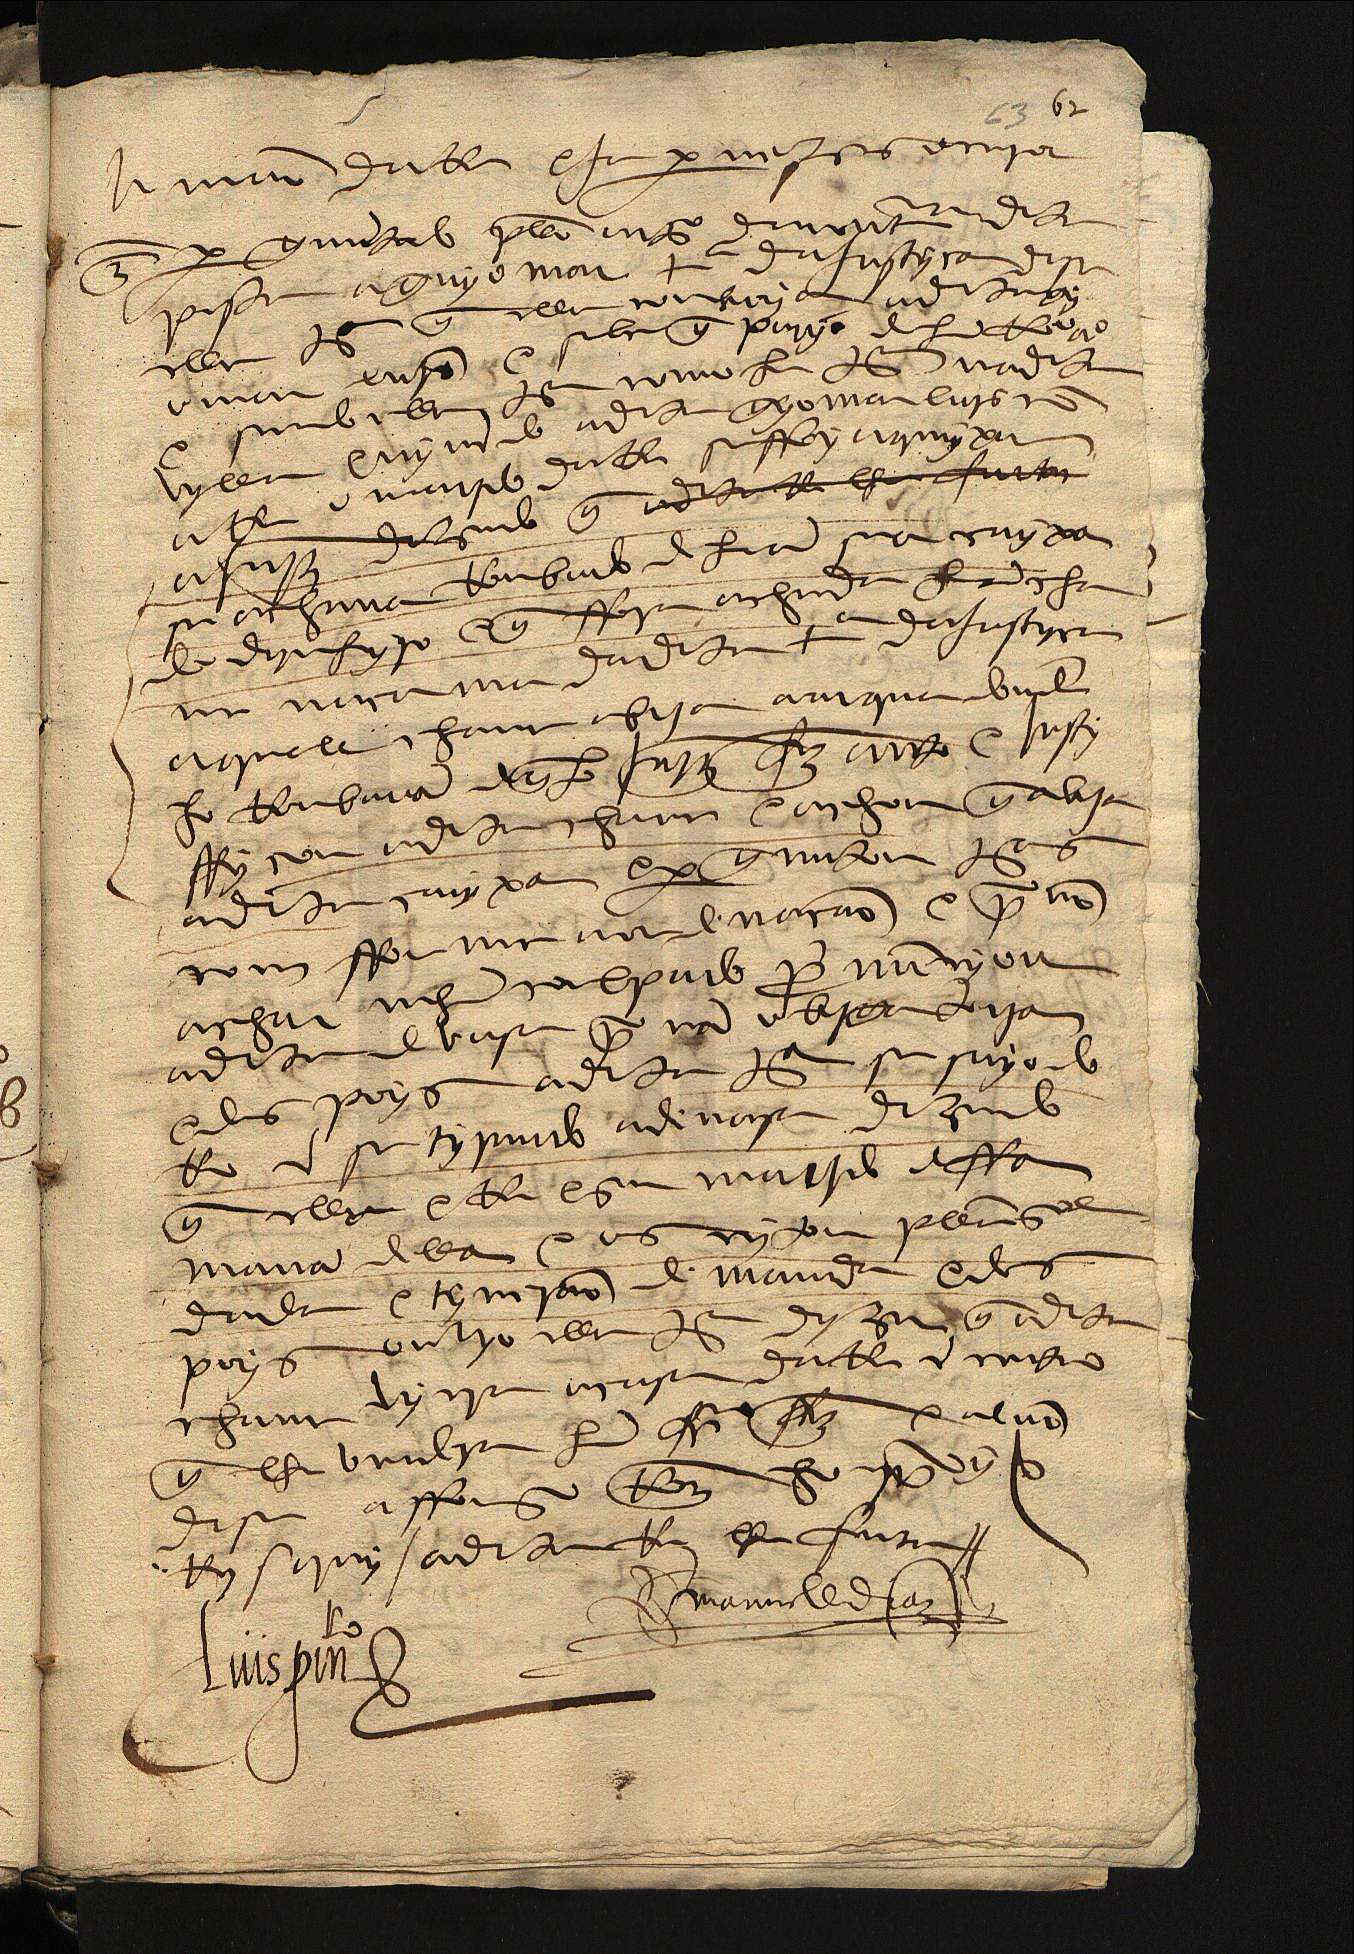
Jrmão da Re e Ja ꝑ uezes o curou
item ꝑguntado p̄llo arto da contradita
posta a guyomar ta da Justyça dise
elle ta q̄ elle conhecya a dita gy
omar lujz e sabe q̄ paryo de hū Ro ao
e sendo elle ta como he tam na dita
vylla e uyndo a dita gyomar lujs cō
a Re o marjdo da Re se ffoy aqueyxar
ao Juiz dizendo q̄ a dita Re lhe furtar
se achaua Roubado de huā sua cayxa
de dynheyro e q̄ ffora achada huā cha
ue na cama da dita ta da Justyça
a quall chaue abrja a arqua donde
ho Roubauā de q̄ ho Juiz fez auto e Justy
ffycou a dita chaue e achou q̄ abrja
a dita cayxa e ꝑguntou tas
comfforme a ordenação e p̄o nō
achar nehū colpado ꝓnūcyou
a dita devasa p̄o nā obrjgatorja
e despoys a dita ta se sayo do
Ro ē se tyrando a deuasa dizendo
q̄ ella e Re e seu marjdo deffa
mauā della e os citou pllā sol
dada e tyuerão demanda e des
poys ouvyo ella ta dyzer q̄ a dita
chaue vyera a casa da Re ē centeo
q̄ lhe vendera hū frco ffrz̄ e al nō
dise affonso R̄oz ho esp̄vy
Risquey / a dita Re lhe furta //
manuell diaz
Luis pinro
